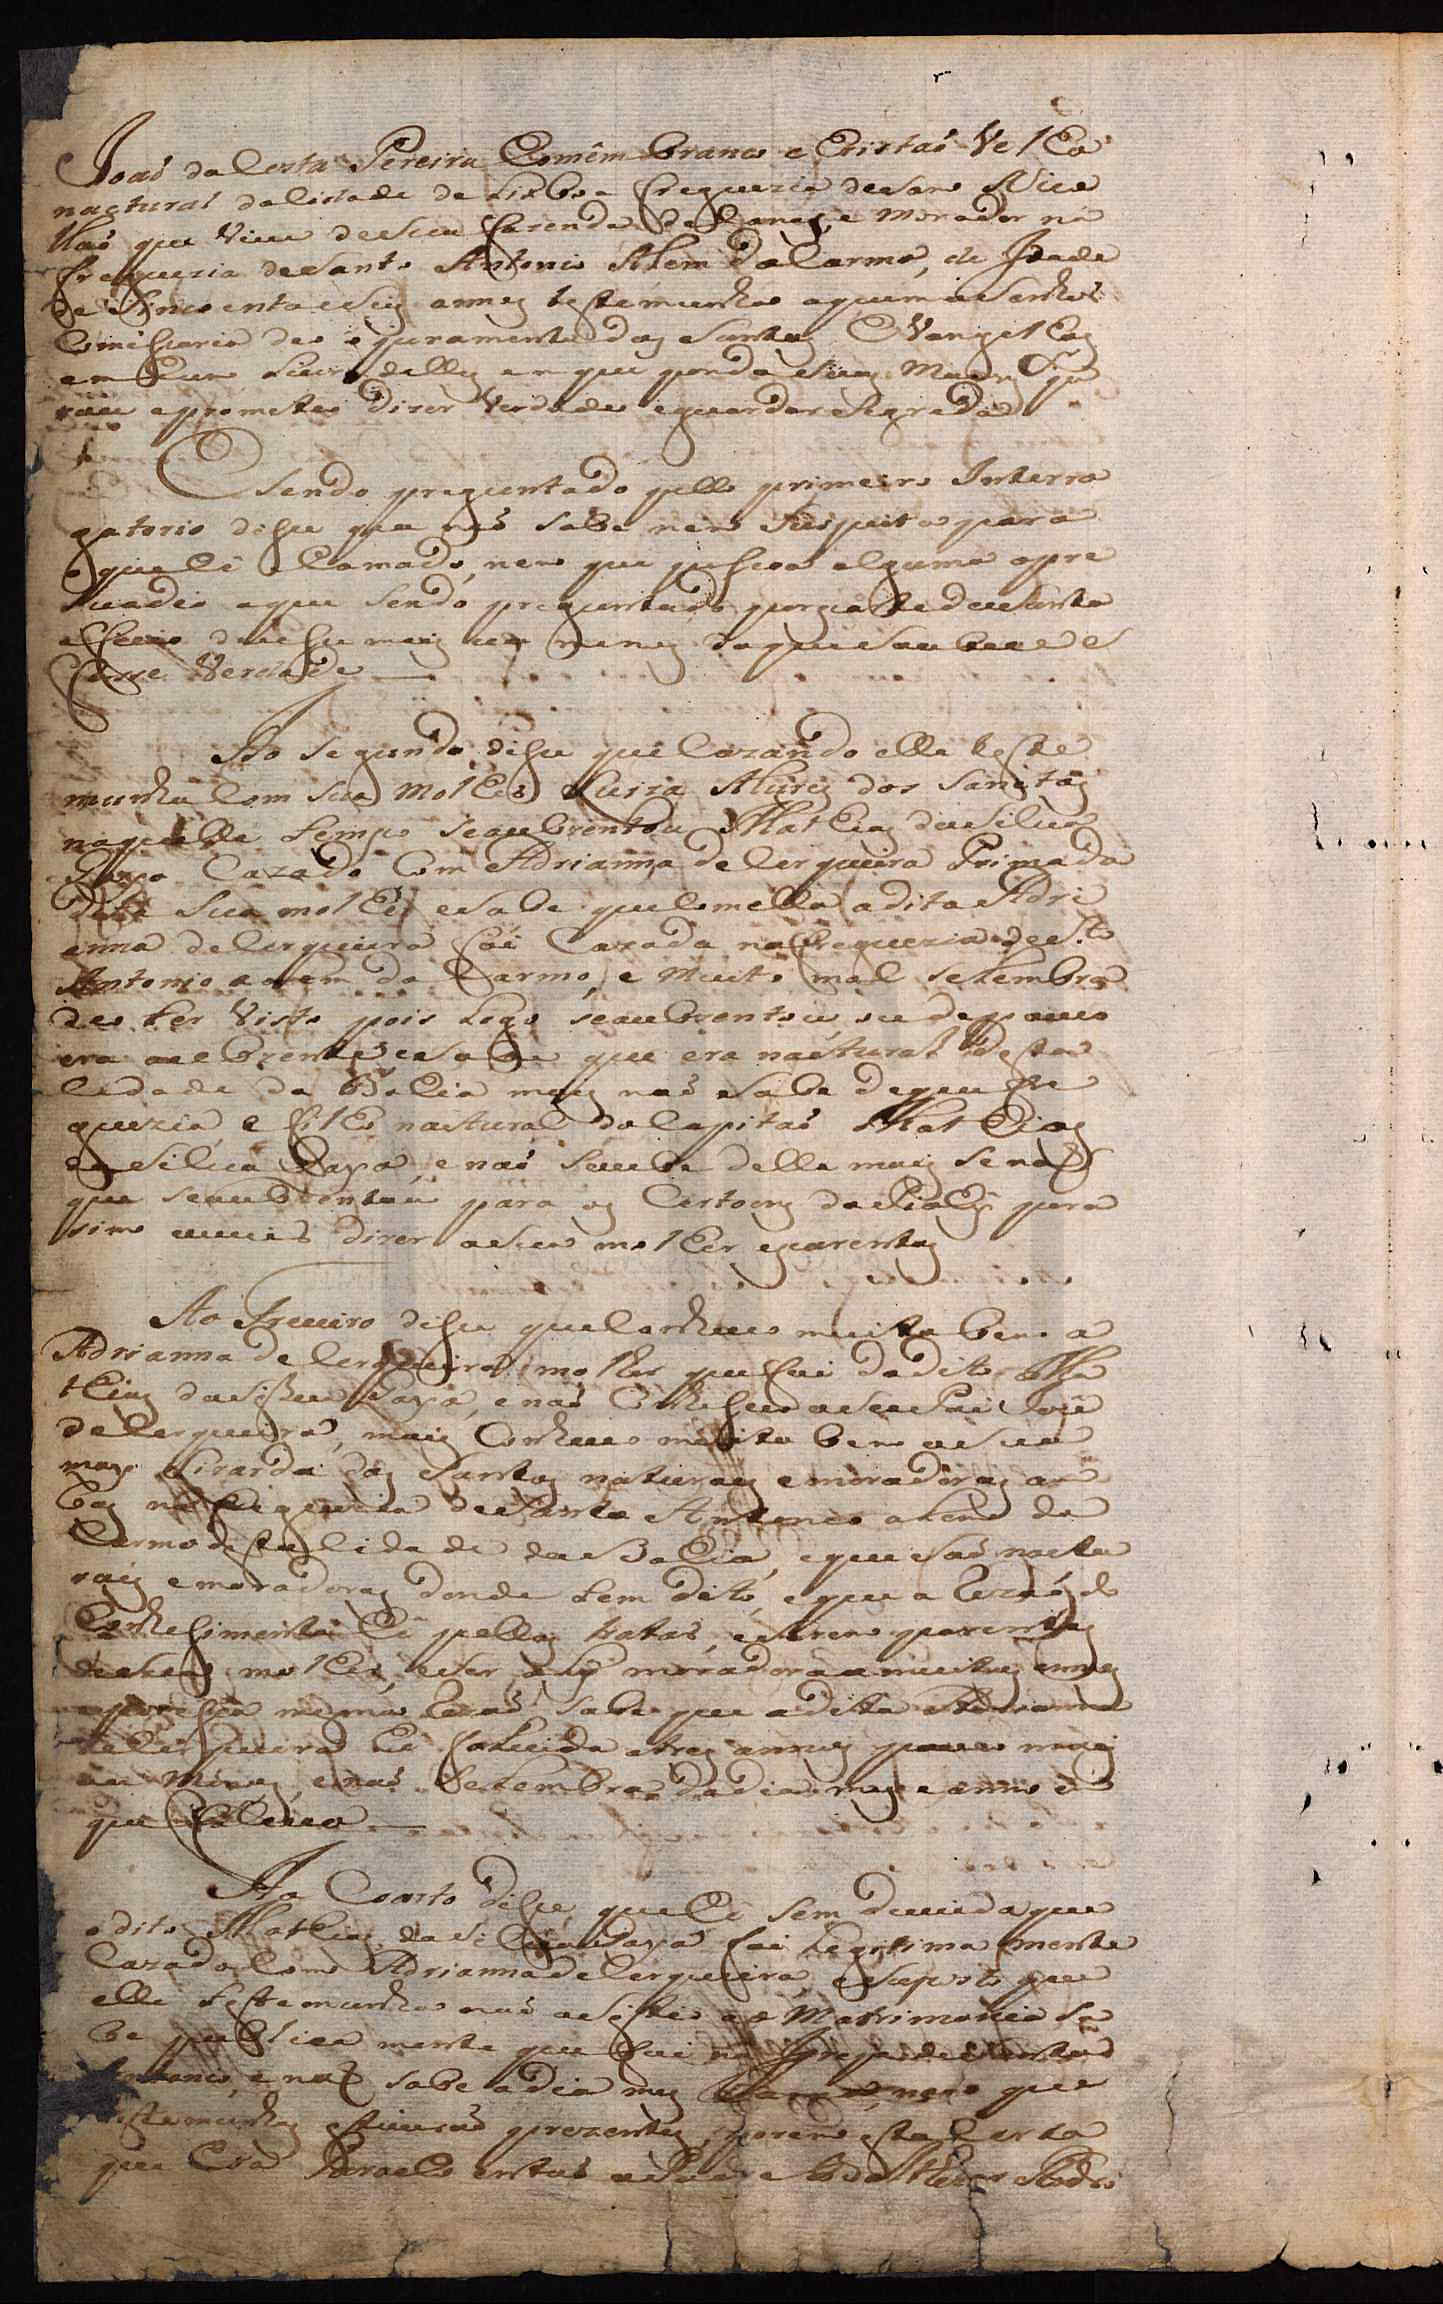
Ioaõ da Costa Pereira homêm branco e Cristaõ Velho
natural da Cidade de Lixboa freguezia de Sam Nico
llaó que Viue de sua fazenda da canas, e morador na
freguezia de Santo Antonio Alem do Carmo, de Jdade
de Sincoenta e Seis annos testemunha a quem o Senhor
Comissario deo o juramento das Santoz EVangelhos
em hum Liuro delles em que pondo suas maons ju
rou e prometeo dizer verdade e guardar segredo
E sendo preguntado pello primeiro Interro
gatorio disse que naõ sabe nem suspeita para
que hê chamado nem que pessoa alguma o pre
suadio e que sendo preguntado por parte do Santo
ofecio dicesse mais uo menos do que Soubece e
fosse Verdade
Ao segundo disse que Cazando elle teste
munha com sua molher Luiza Alures dos Sanctos
naquelle tempo se aubzentou Mathias da Silua
Gayo Cazado Com Adrianna de Cerqueira Prima da
dita sua molher, e sabe que com ella a dita Adri
anna de Cerqueira foi Cazada na Freguezia de S.to
Antonio aLem do Carmo, e muito mal se lembra
de o ter Visto pois Logo se aubzentou, so depoues
era aubzente e sabe que era natural desta
Cidade de Bahia mais naõ sabe de que fre
guezia e filho natural do Capitaõ Mathias
da Silua Gaya, e naõ soube della mais se naõ
que se aubzentou para os Certoens do Piahy por a
sim ouuir dizer a sua molher e parentas
Ao Terceiro disse que Conheceo muito bem a
Adrianna de Cerqueira molher que foi do dito Ma
thias da Sjlua Gaya, e naõ Conhesseo a seu Pai Iozê
de Cerqueira, mais conheceo muito bem a sua
may Lizarda dos Santos naturaes e moradoras am
bas na freguezia de Santo Antonio aLem do
Carmo desta Cidade da Bahia, e que saõ natu
rais, e moradores donde tem dito, e que a rezaõ do
Conhesimento hé pellas tratar, e serem parentas
da sua molher, e ser ahy moradora a muitos annos
por essa mesma Rezaõ sabe que a dita Adrianna
de Ciqueira hé falecida a trez annos pouco mais
ou menos, e naõ Se lembra do dia, mes e anno em
que faleceo
Ao Coarto disse, que hê sem duuida que
o dito Mathias da Silua Gaya foi Legitimamente
Cazado Com Adrianna de Cerqueira, e suposto que
elle testemunha naõ asistio ao Matrimonio sa
be publicamente que foi na Igreja de Santo
Antonio, e naõ sabe o dia mes anno, nem que
testemunhaz estiueraõ prezentes porem esta Certa
que Era Parocho entaõ o Padre Balthe_ Rodri
